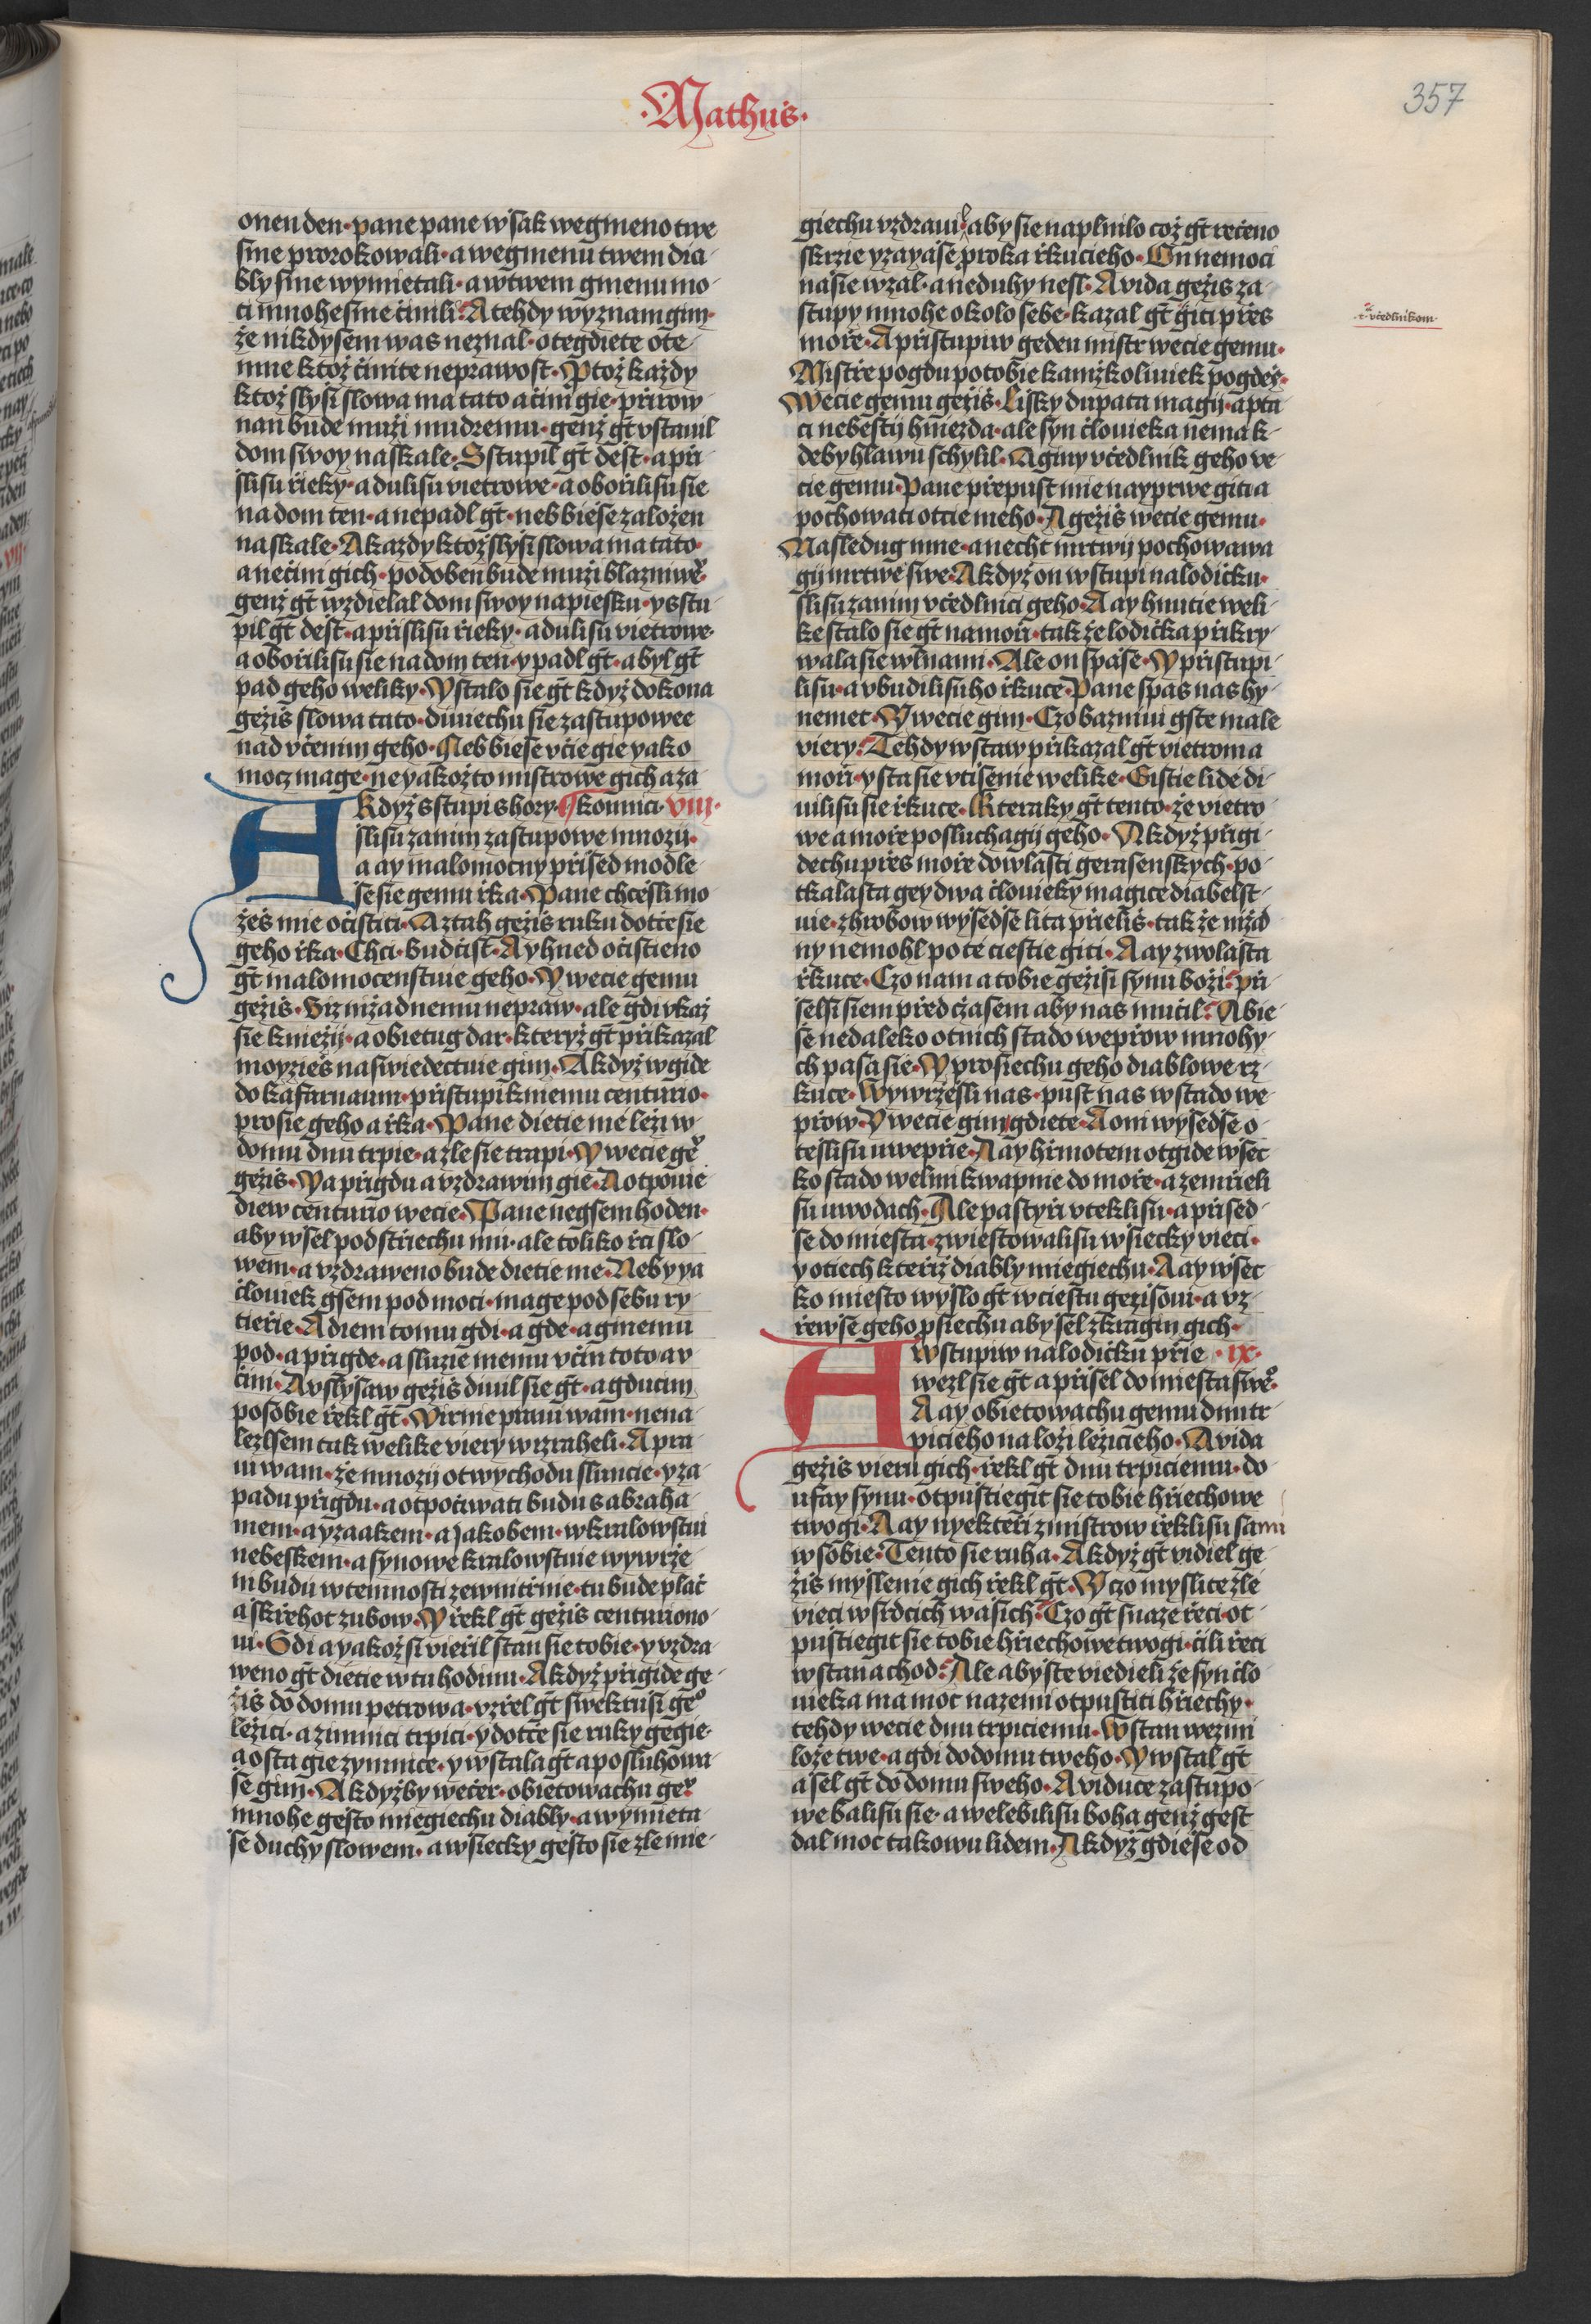.Mathuš.
onen den.pane pane wẛak wegmeno twe
ſme prorokowali.a wegmenu twem dia¬
bly ſme wymietali.a wtwem gmenu mo¬
ci mnoheſme ċinili?A tehdy wyznam gim.
że nikdyſem was neznal.otegdiete ote¬
mne ktoż ċíníte neprawoſt.Ꝓtoż każdy
ktoż ſlyẛi ſlowa ma tato a ċini gie.pṙirow¬
nan bude mużi mudremu.genż ḡt vſtauil
dom ſwoy naſkale.Sſtupil ḡt deẛt.a pṙi¬
ẛli ſu ṙieky.a duliſu vietrowe.a oboṙili ſu ſie
na dom ten.a nepadl ḡt.neb bíeẛe zalożen
naſkale.Akażdy ktoż ſlyẛi ſlowa ma tato.
a neċiní gích.podoben bude mużi blazniwev
genż gt wzdielal dom ſwoy napieſku.y sſtu¬
pil ḡt deẛt.a pṙiẛli ſu ṙieky.a duli ſu víetrowe.
a oboṙili ſu ſie na dom ten.y padl ḡt.a byl ḡt
pad geho weliky.Yſtalo ſie ḡt když dokona
geżiṡ ſlowa tato.díuiechu ſie zaſtupowee
nad vċením geho.Neb bíeẛe vċíe gie yako
mocz mage.neyakożto miſtrowe gich a za
Kdyż sſtupi s hory. konnici .viij.
ẛli ſu zaním zaſtupowe mnozij.
a ay malomocny pṙiẛed modle¬
ẛe ſie gemu ṙka.Pane chceẛli mo¬
žeṡ mie ociſtiti.A ztah geżiṡ ruku dotċe ſie
geho ṙka.Chci.bud ċiſt.A yhned oċiſtieno¬
ḡt nalomocenſtuíe geho.Y wecie gemu.
geżiṡ.Viz niżadnemu nepraw.ale gdi vkaż
ſie knieżij.a obietug dar.kteryż ḡt pṙikazal
moyzieṡ naſwiedectuie gim.A kdyż wgíde
do kafarnaum.pṙiſtupi kniemu centurio.
proſie geho a ṙka.Pane díetie mé leżi w
domu dnu trpie.a zle ẛie trapí.Y wecie gev
geżiṡ.Ya pṙigdu a vzdrawím gie.A otpouie¬
diew centurio wecie.Pane negſem hoden.
aby wẛel podſtṙiechu mú.ale toliko ṙci ſlo¬
wem.a vzdraweno bude dietie me.Neb y ya¬
ċlouiek gſem pod moci.mage podſebu ry¬
tieṙe.A diem tomu gdi.a gde.a ginemu
pod.a pṙigde.a ſluzie memu vċin toto a v¬
ċini.A vſlyẛaw geżíṡ diuil ſie ḡt.a gducim
poſobie ṙekl ḡt.Wirnie praui wam.nena¬
lezl ſem tak welike víery w izraheli.A pra¬
ui wam.że mnozij otwychodu ſluncie.y za¬
padu pṙigdu.a otpoċiwati budu s abraha¬
mem.a yzakem.a Iakobem.wkralowſtui
nebeſkem.a ſynowe kralowſtuíe wywrże¬
ni budú wtemnoſti zewnitṙnie.tu bude plaċ
a ſkṙehot zubow.Y ṙekl ḡt geżiṡ centuriono¬
ui.Gdi a yakoż ſi vieṙil ſtan ſie tobie.y vzdra¬
weno ḡt dietie wtu hodinu.Akdyż pṙigide ge¬
żiṡ do domu petrowa.vzṙel ḡt ſwekruẛi ḡeo
leżící a zimnicí trpící.ydotċe ſie ruky gegíe.
aoſta gie zymnice.ywſtala ḡt poſluhowa¬
ẛe gim.A kdyżby weċer.obietowachu gev.
mnohe geẛto miegíechu diably.a wymieta¬
ẛe duchy ſlowem.a wẛiecky geẛto ſie zle mie¬
giechu vzdrauil.aby ſie naplnilo coż ḡt reċeno
ſkrzie yzayaẛe ꝓroka ṙkucieho.On nemoci
naẛie wzal.aneduhy neſl.A vida geżis za¬
ſtupy mnohe okolo ſebe.kazal ḡt gíti pṙes
moṙe.A pṙiſtupiw geden miſtr wecie gemu.
Miſtṙe pogdu potobie kamżkoliuiek pogdeṡ.
Wecie gemu geżiṡ.Liẛky dupata magij.apta¬
ci nebeẛtij hniezda.ale ſyn ċlouieka nema k¬
deby hlawu ſchylil.A giny vċedlník geho ve¬
cie gemu.Pane pṙepuſt mie nayprwe gíti a
pochowati otcie meho.A geżíṡ wecie gemu.
Naſledug mne.a necht mrtwij pochowawa¬
gij mrtwe ſwe.Akdyż on wſtupi nalodiċku.
ẛli ſu zaním vċedlníci geho.Ay hnutíe weli¬
ke ſtalo ſie ḡt namoṙi.tak że lodiċka pṙikry¬
wala ſie wlnami.Ale on ſpaẛe.Y pṙiſtupi¬
li ſu.a vbudili ſu ho ṙkuce.Pane ſpas nas hy¬
nemet.Y wecie gim.Czo bazniui gſte male
viery?Tehdy wſtaw pṙikazal ḡt vietrom a
moṙi.y ſtaſie vtiẛeníe welike.Giſtíe lidé di¬
uili ſu ſie ṙkuce.Kteraky ḡt tento.ze vietro¬
we a moṙe poſluchagij geho.A kdyż pṙigi¬
dechu pṙes moṙe do wlaſti geraſenſkych.po¬
tkalaſta gey dwa ċlouíeky magice diabelſt¬
uie.zhrobow wyẛedẛe líta pṙieliṡ.tak że niżad¬
ny nemohl poté cieſtie gítí.A ay zwolaẛta
ṙkuce.Czo nam a tobie geżiẛi ſynu bożi.pṙi¬
ẛelſi ſiem pṙed cżaſem aby nas muċil?A bíe¬
ẛe nedaleko otních ſtado wepṙow mnohy¬
ch paſa ſie.Yproſiechu geho diablowe rz¬
kuce.Wywrżeẛli nas.puſt nas w ſtado we¬
pṙow.Y wecie gim.gdiete.A oni wyẛedẛe o¬
teẛli ſu uwepṙie.A ay hṙmotem otgide wẛec¬
ko ſtado welmi kwapnie do moṙe.a zemṙieli
ſu uwodach.Ale paſtyṙi vtekli ſu.a pṙiſed¬
ẛe do míeſta.zwíeſtowali ſu wẛiecky vieci.
y otiech kteṙiż diably míegíechu.A wẛec¬
ko mieſto wyẛlo ḡt wcieſtu geziẛoui.a vz¬
ṙewẛe geho pſiechu aby ẛel zkragin gich.
Wſtupiw nalodiċku pṙie.ix.
wezl ſie ḡt a pṙiẛel do mieſta ſweo.
A ay obietowachu gemu dnu tr¬
picíeho na lożi leżicieho.A vida
geżiš vieru gich.ṙekl ḡt dnu trpicíemu.do¬
ufay ſynu.otpuẛtiegit ſie tobie hṙiechowe
twogi.A ay nyekteṙí zmiſtrow ṙekli ſu ſami
w ſobie:Tento ſie ruha.A když ḡt vidiel ge¬
żiṡ myẛleníe gich ṙekl ḡt.Y co myſlite zlé
vieci wſrdcích waẛich.Co ḡt ſnaze ṙeci ot¬
puẛtiegit ſie tobie hṙiechowe twogi.ċíli ṙeci
wſtan a chod?Ale abyẛte viedieli że ſyn ċlo¬
uieka ma moc nazemi otpuſtiti hṙiechy.
tehdy wecie dnu trpiciemu.Wſtan wezmi¬
loże twe.a gdi dodomu tweho.Y wſtal ḡt
a ẛel ḡt do domu ſweho.A viduce zaſtupo¬
we bali ſu ſie.a welebili ſu boha genż geſt
dal moc takowu lidem.A kdyż gdieẛe od